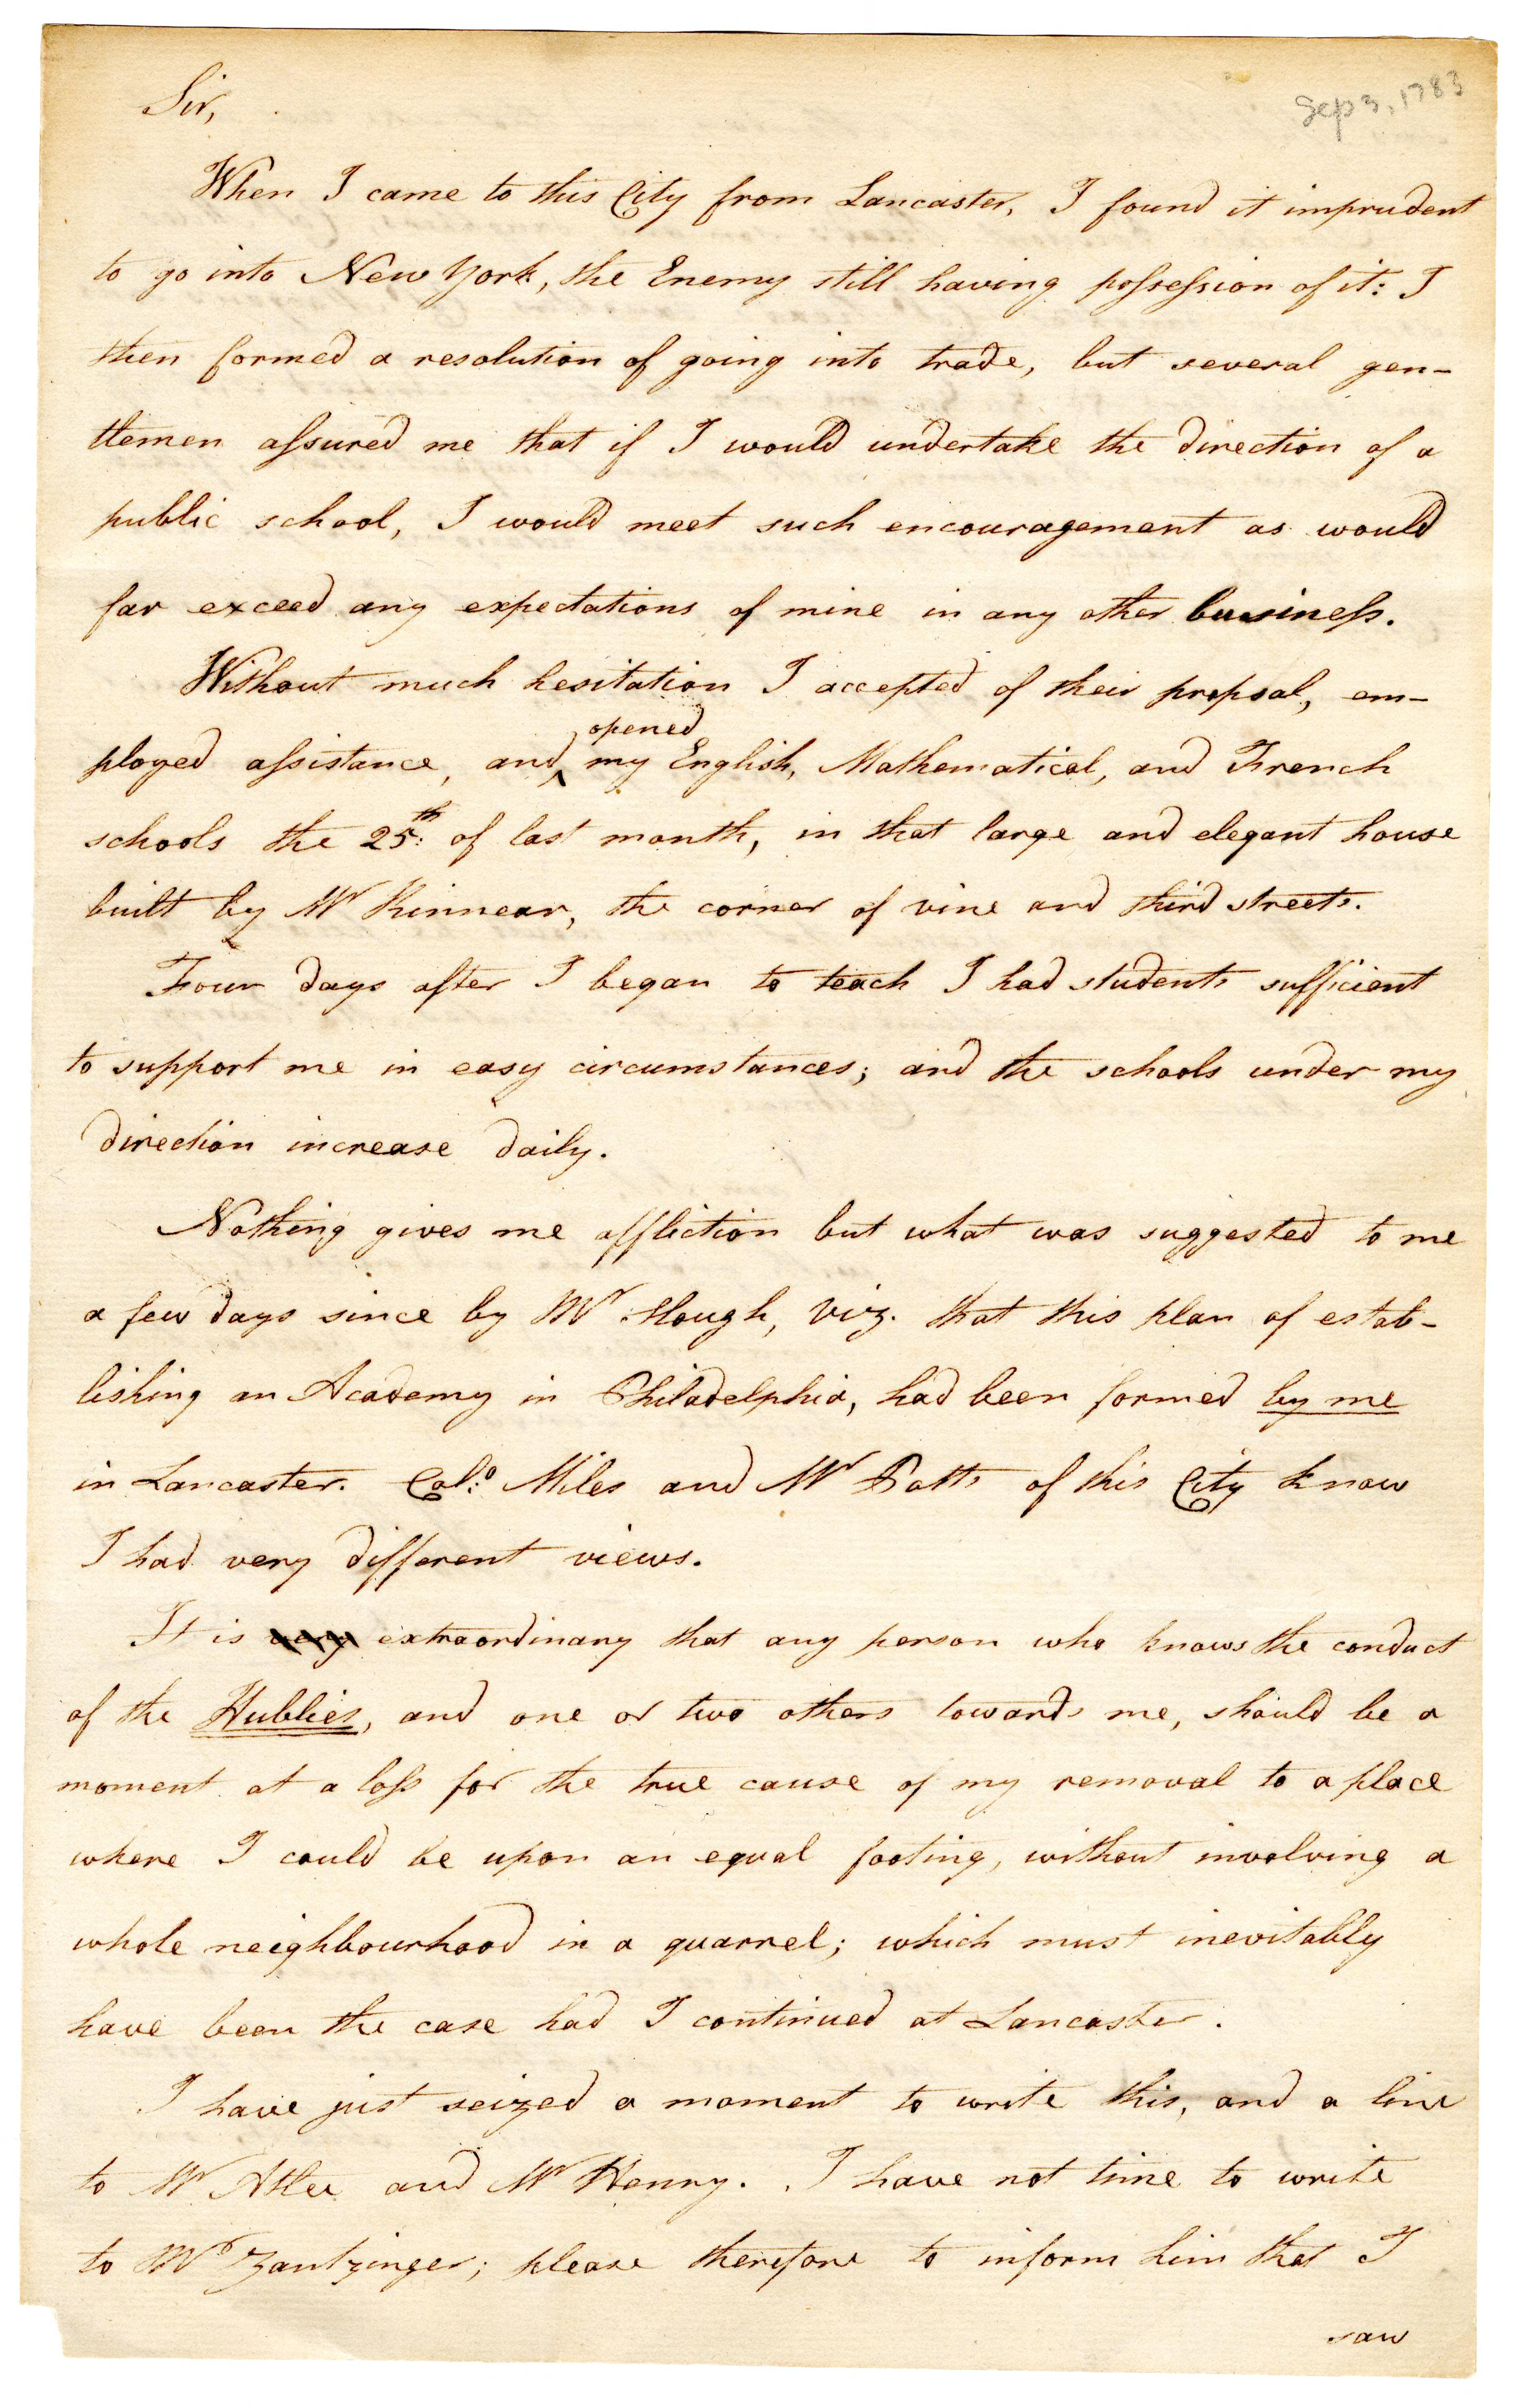Sir,
When I came to this City from Lancaster, I found it imprudent
to go into New York, the Enemy still having possession of it. I
then formed a resolution of going into trade, but several gen-
tlemen assured me that if I would undertake the direction of a
public school, I would meet such encouragement as would
far exceed any expectations of mine in any other business.
Without much hesitation I accepted of their propsal, em-
opened
-ployed assistance, and ^ my English, Mathematical, and French
schools the 25^th. of last month, in that large and elegant house
built by M^r Rinnear, the corner of vine and third streets.
Four days after I began to teach I had students sufficient
to support me in easy circumstances; and the schools under my
direction increase daily.
Nothing gives me affliction but what was suggested to me
a few days since by M^r Slough, viz. that this plan of estab-
-lishing an Academy in Philadelphia, had been formed by me
in Lancaster. Col^o. Miles and M^r Potts of this City know
I had very different views.
It is very extraordinary that any person who knows the conduct
of the Hublies, and one of two others towards me, should be a
moment at a loss for the true cause of my removal to a place
where I could be upon an equal footing, without involving a
whole neighbourhood in a quarrel; which must inevitably
have been the case had I continued at Lancaster.
I have just seized a moment to write this, and a line
to M^r Atlee and M^r Henry. I have not time to write
to M^r Zantzinger; please therefore to inform him that I
saw